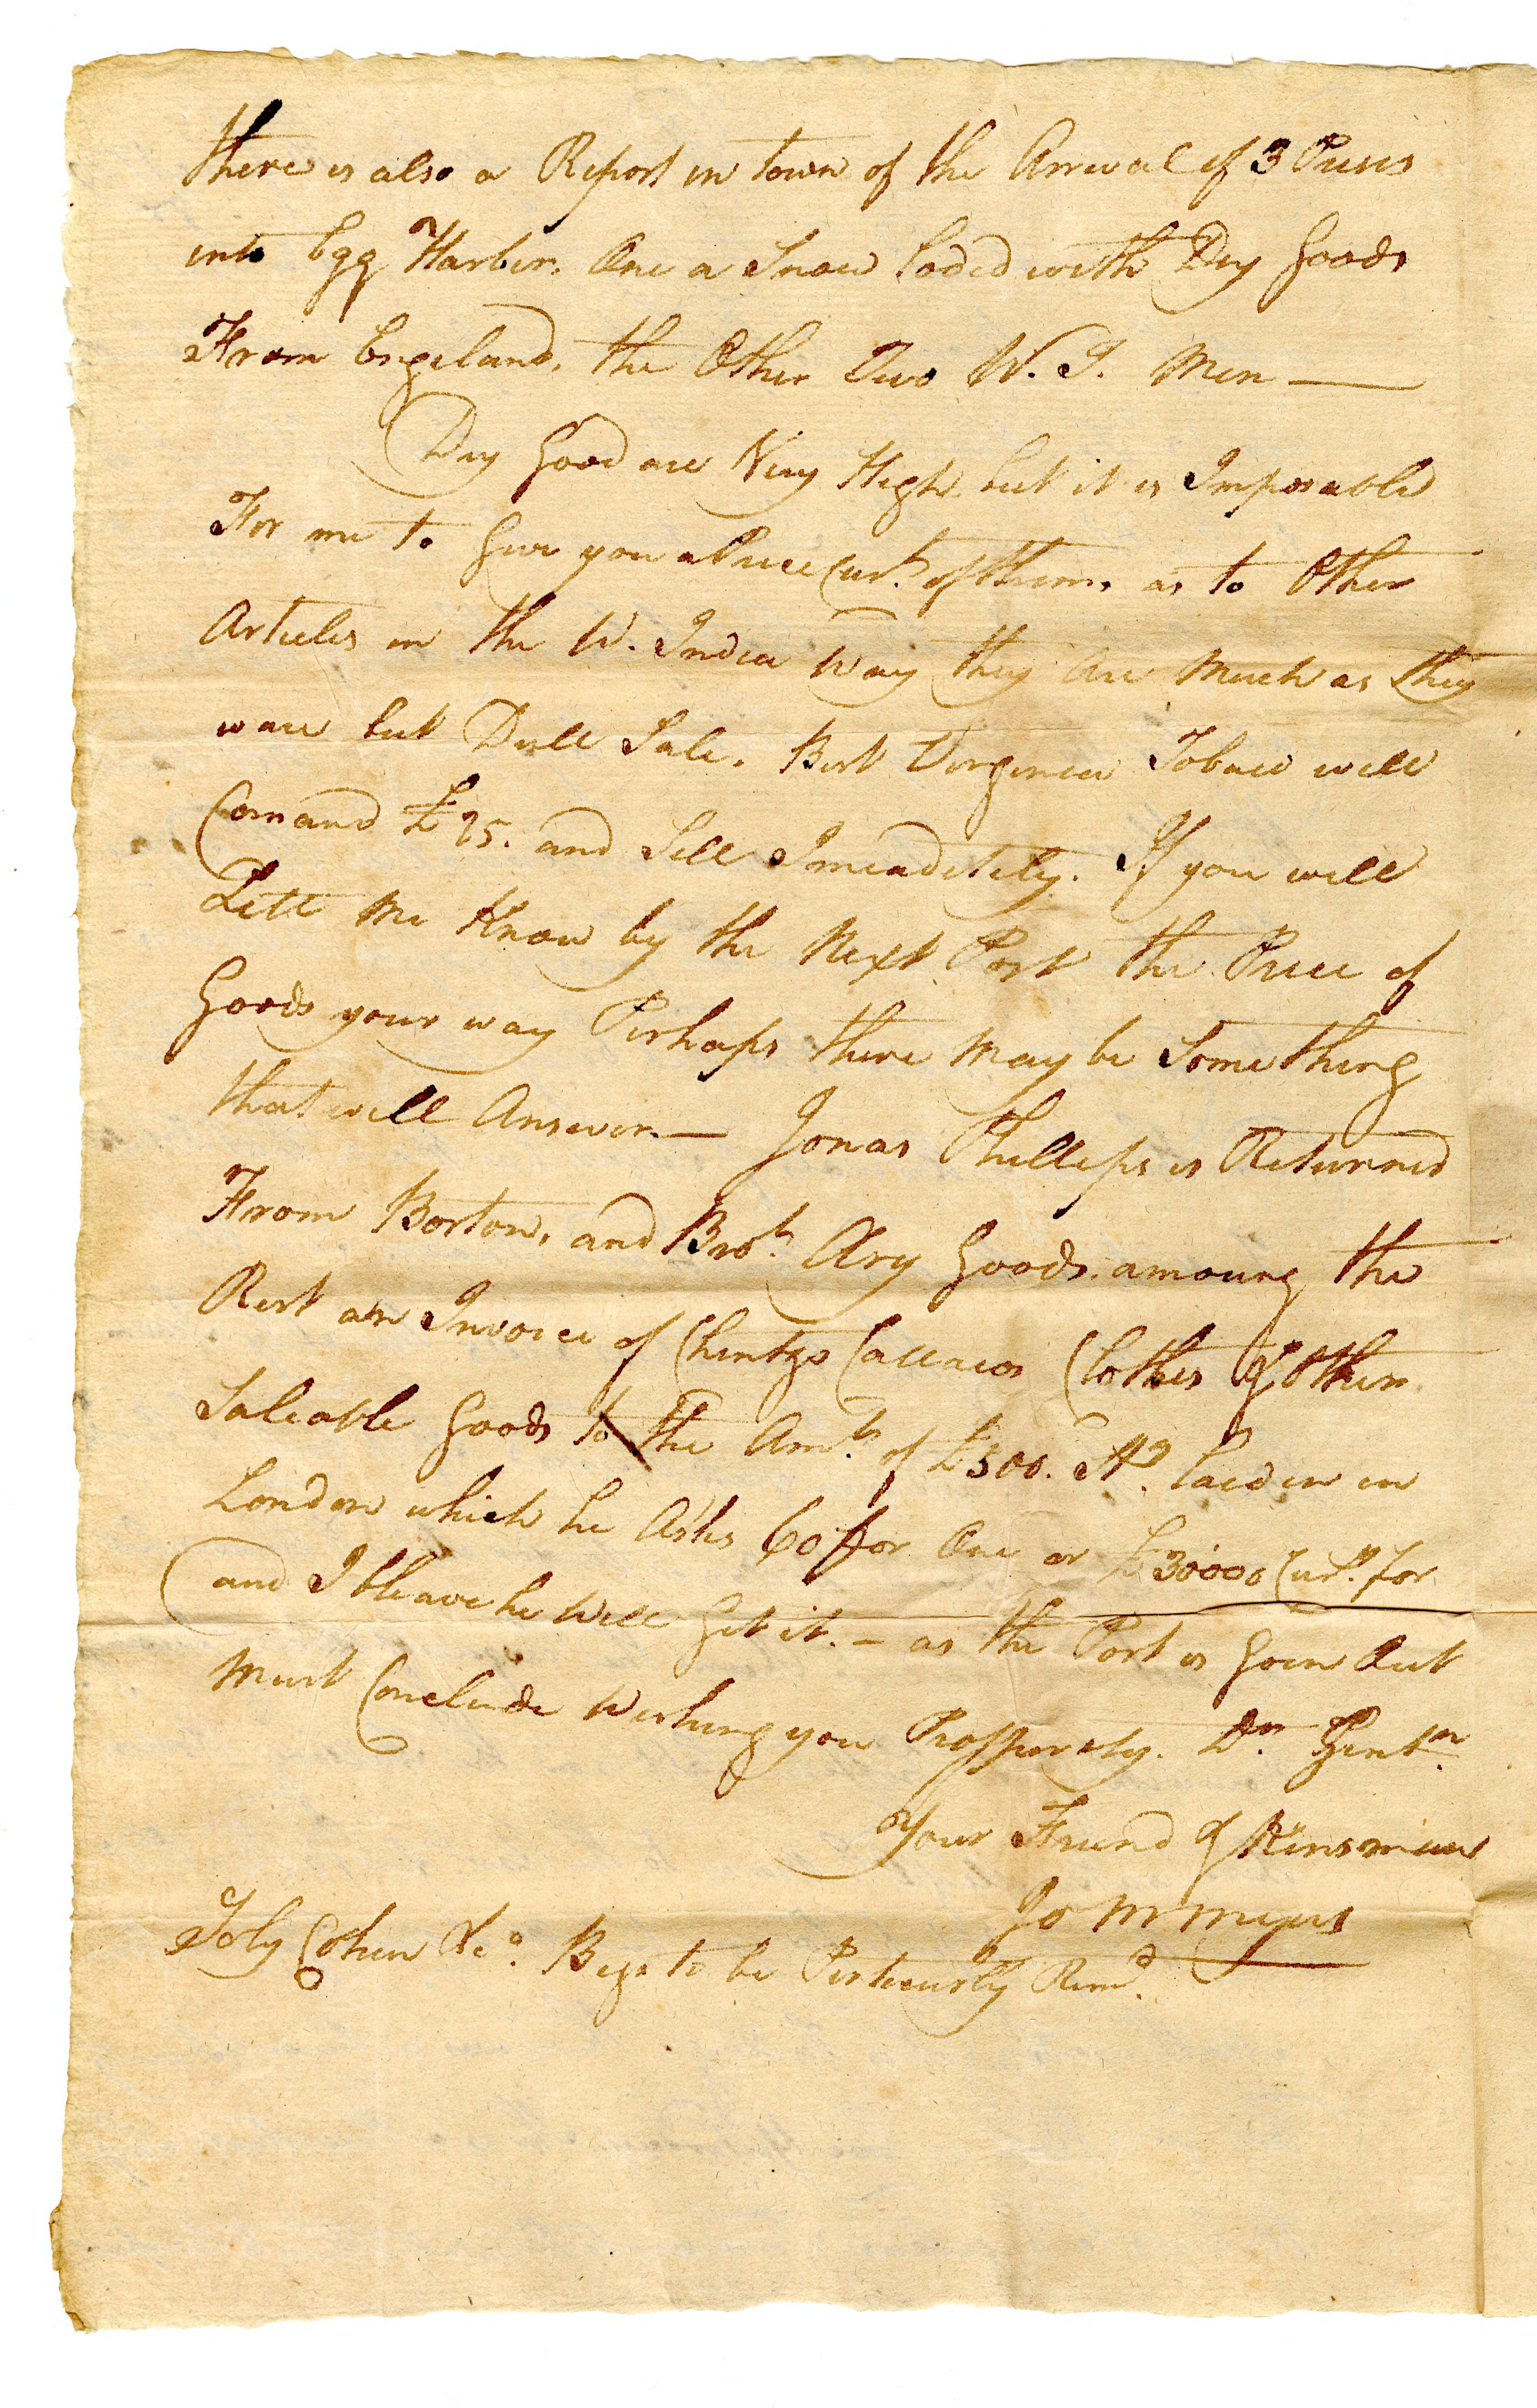There is also a Report in town of the Arrival of 3 Pairs
into Egg Harber. One a Snow loded with Dry Goods
From England, the other Two W. J. Men.-
Dry goods are Very High but it is Imposable
For me to give you a price cur^t. of them, as to other
Articles on the W. India Way they are much as they
were but Dull Sale. But Virginia Tobaco will
Corn and £ 25. and Sell imeadetely, if you will
Lett me know by the next Port the Price of
Goods your way Perhaps there may be some thing
that will answer.- Jonas Phillips is Returned
From Boston, and Bro^t. Dry Goods amoung the
Rest an Invoice of Chintz Callacoes clothes & other
saleable goods to the Am^t. of £500 H^g. Paid in in
London which he asks 60 for One or £30'000 Cur^y. for
and I bleave he will get it.- as the Port is goen but
must conclude Writing you Prospority. D^r. Gent^n.
Your Friend & Kinsman
Jo M Myers
Joly Cohen &c. Begs to be Perticurly Rem^d.